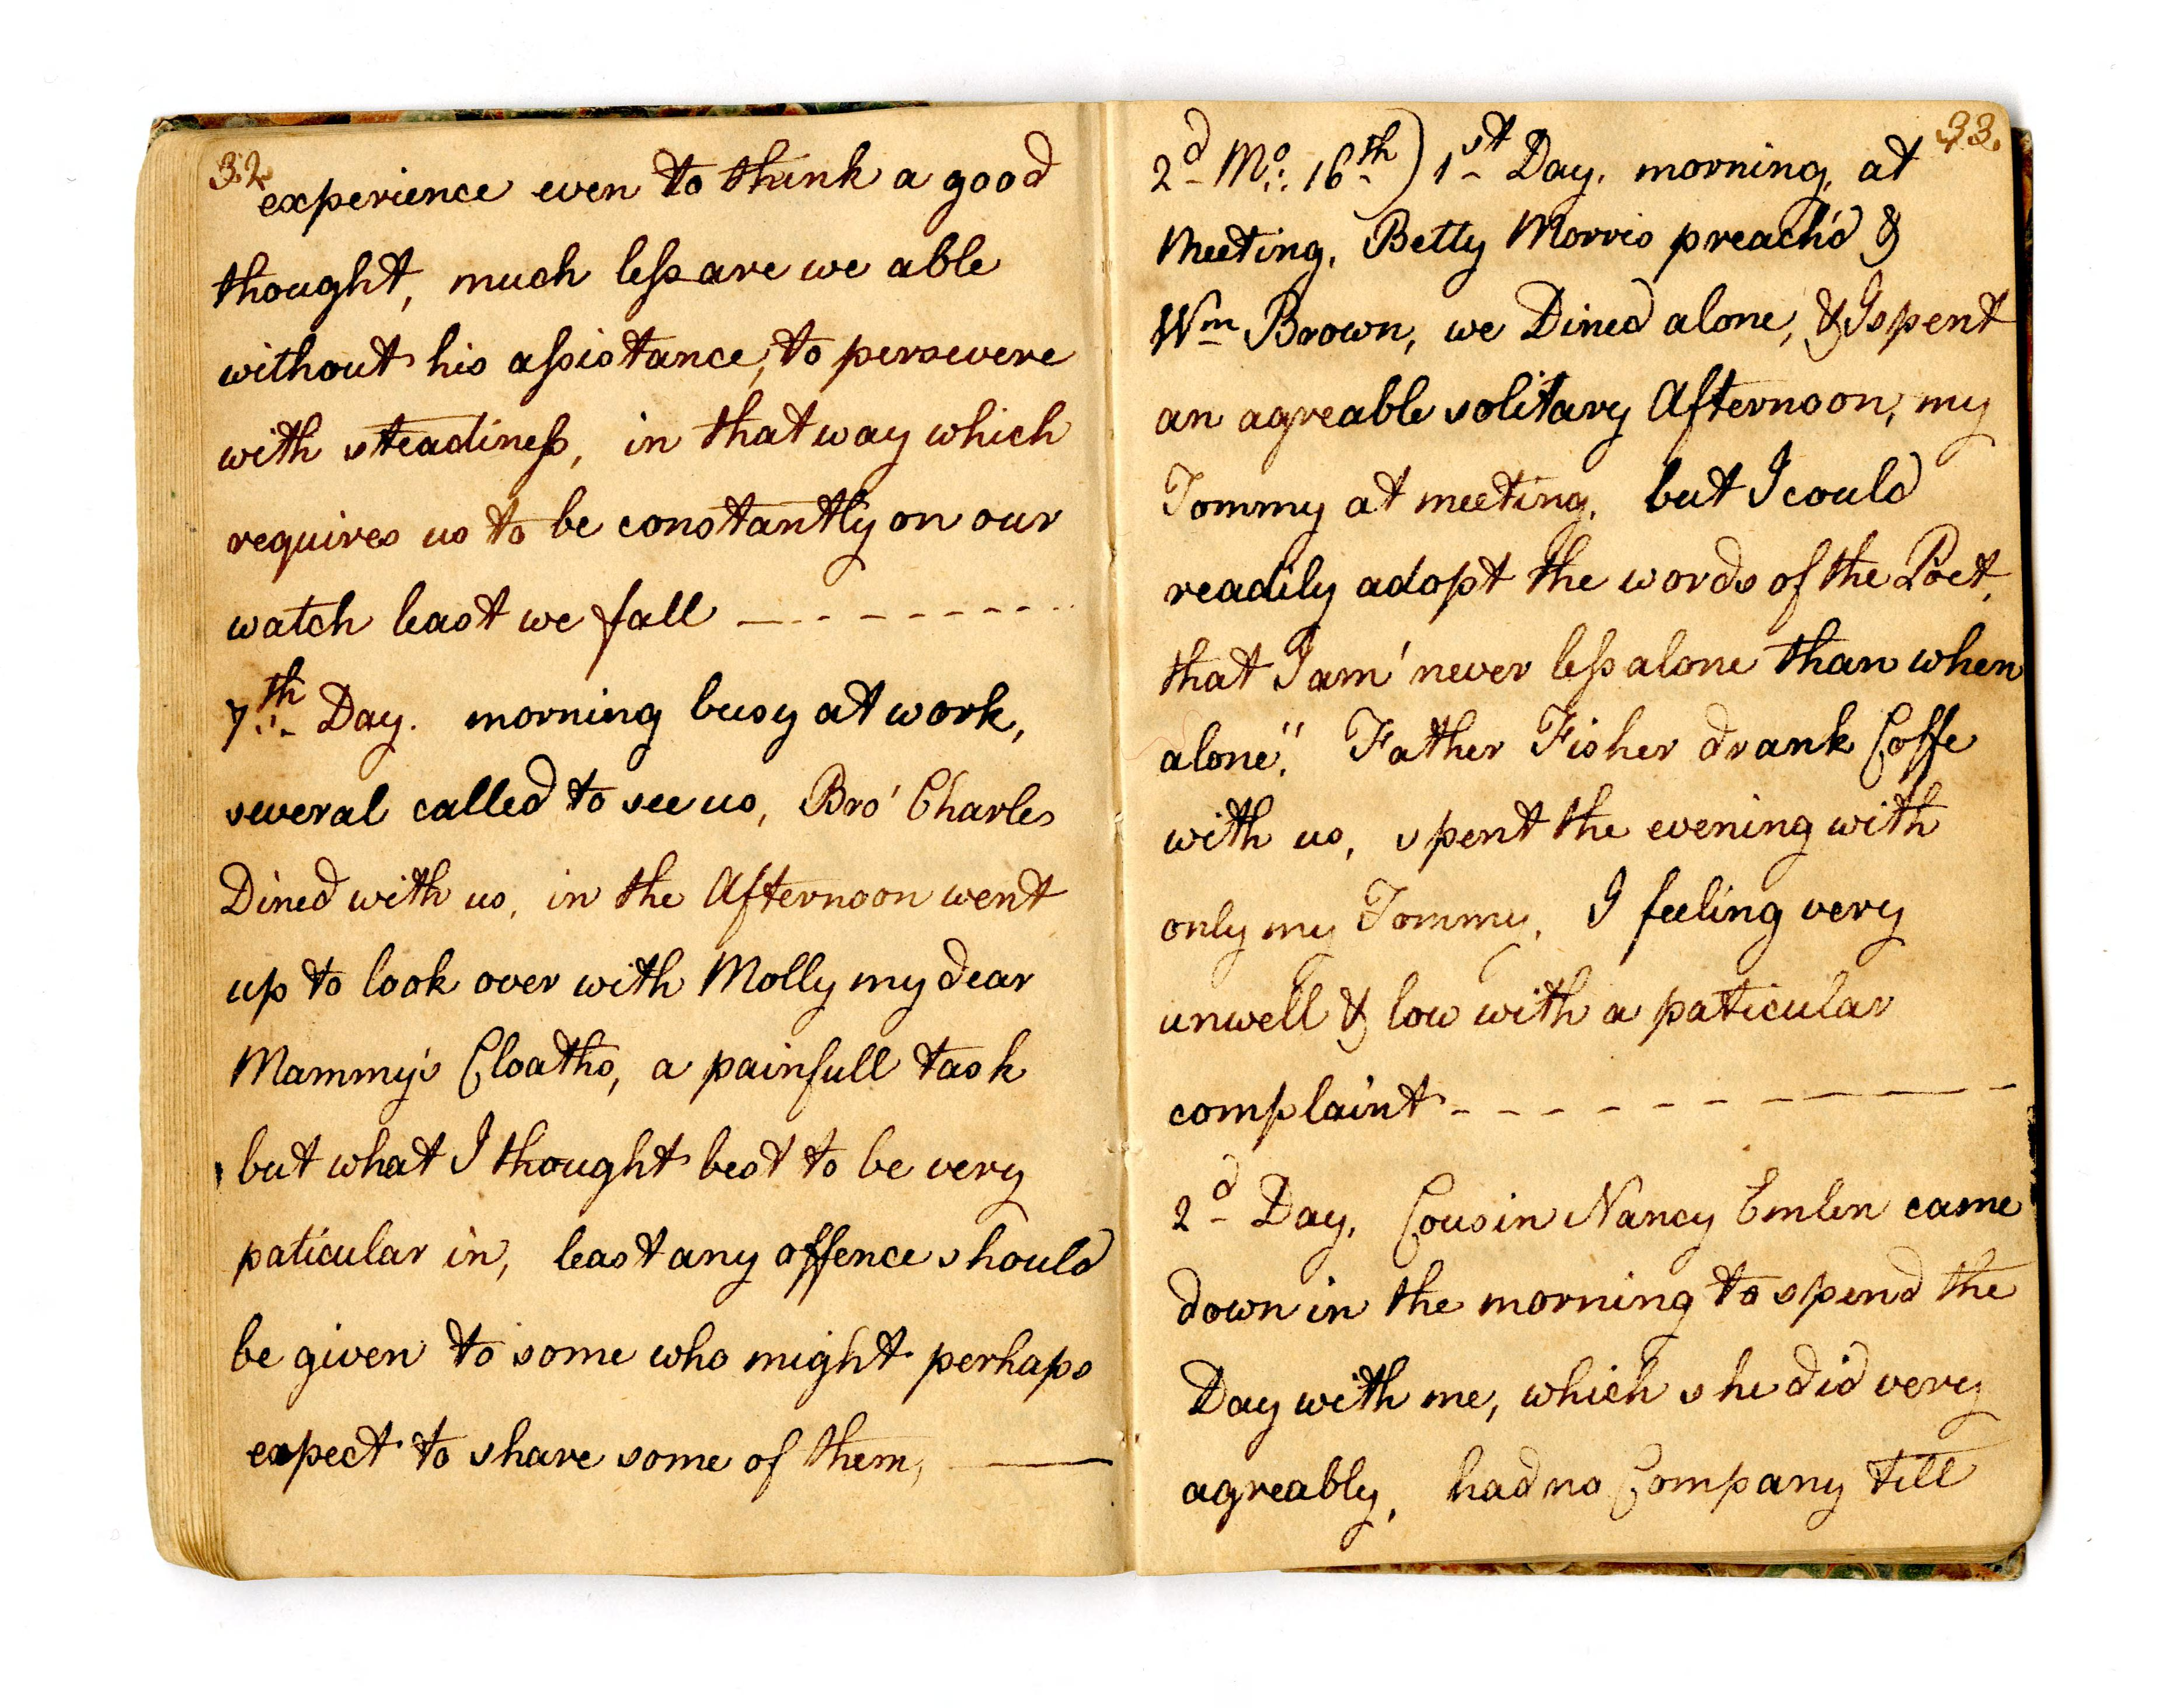experience even to think a good
thought, much less are we able
without his assistance, to persevere
with steadiness, in that way which
requires us to be constantly on our
watch least we fall-
7^th Day morning busy at work,
several called to see us, Bro' Charles
Dined with us, in the Afternoon went
up to look over with Molly my dear
Mammy's Cloaths, a painfull task
but what I thought best to be very
paticular in, least any offence should
be given to some who might perhaps
expect to share some of them,
2^d M^o 16^th Day. morning, at
Meeting, Betty Morris preach'd &
W ^m Brown, we Dined alone, & I spent
an agreable solitary Afternoon, my
Tommy at meeting, but I could
readily adopt the words of the Poet,
that I am 'never less alone than when
alone." Father Fisher drank Coffe
with us, spent the evening with
only my Tommy, I feeling very
unwell & low with a paticular
complaint-
2^d Day, Cousin Nancy Emlen came
down in the morning to spend the
Day with me, which she did very
agreably, had no Company till